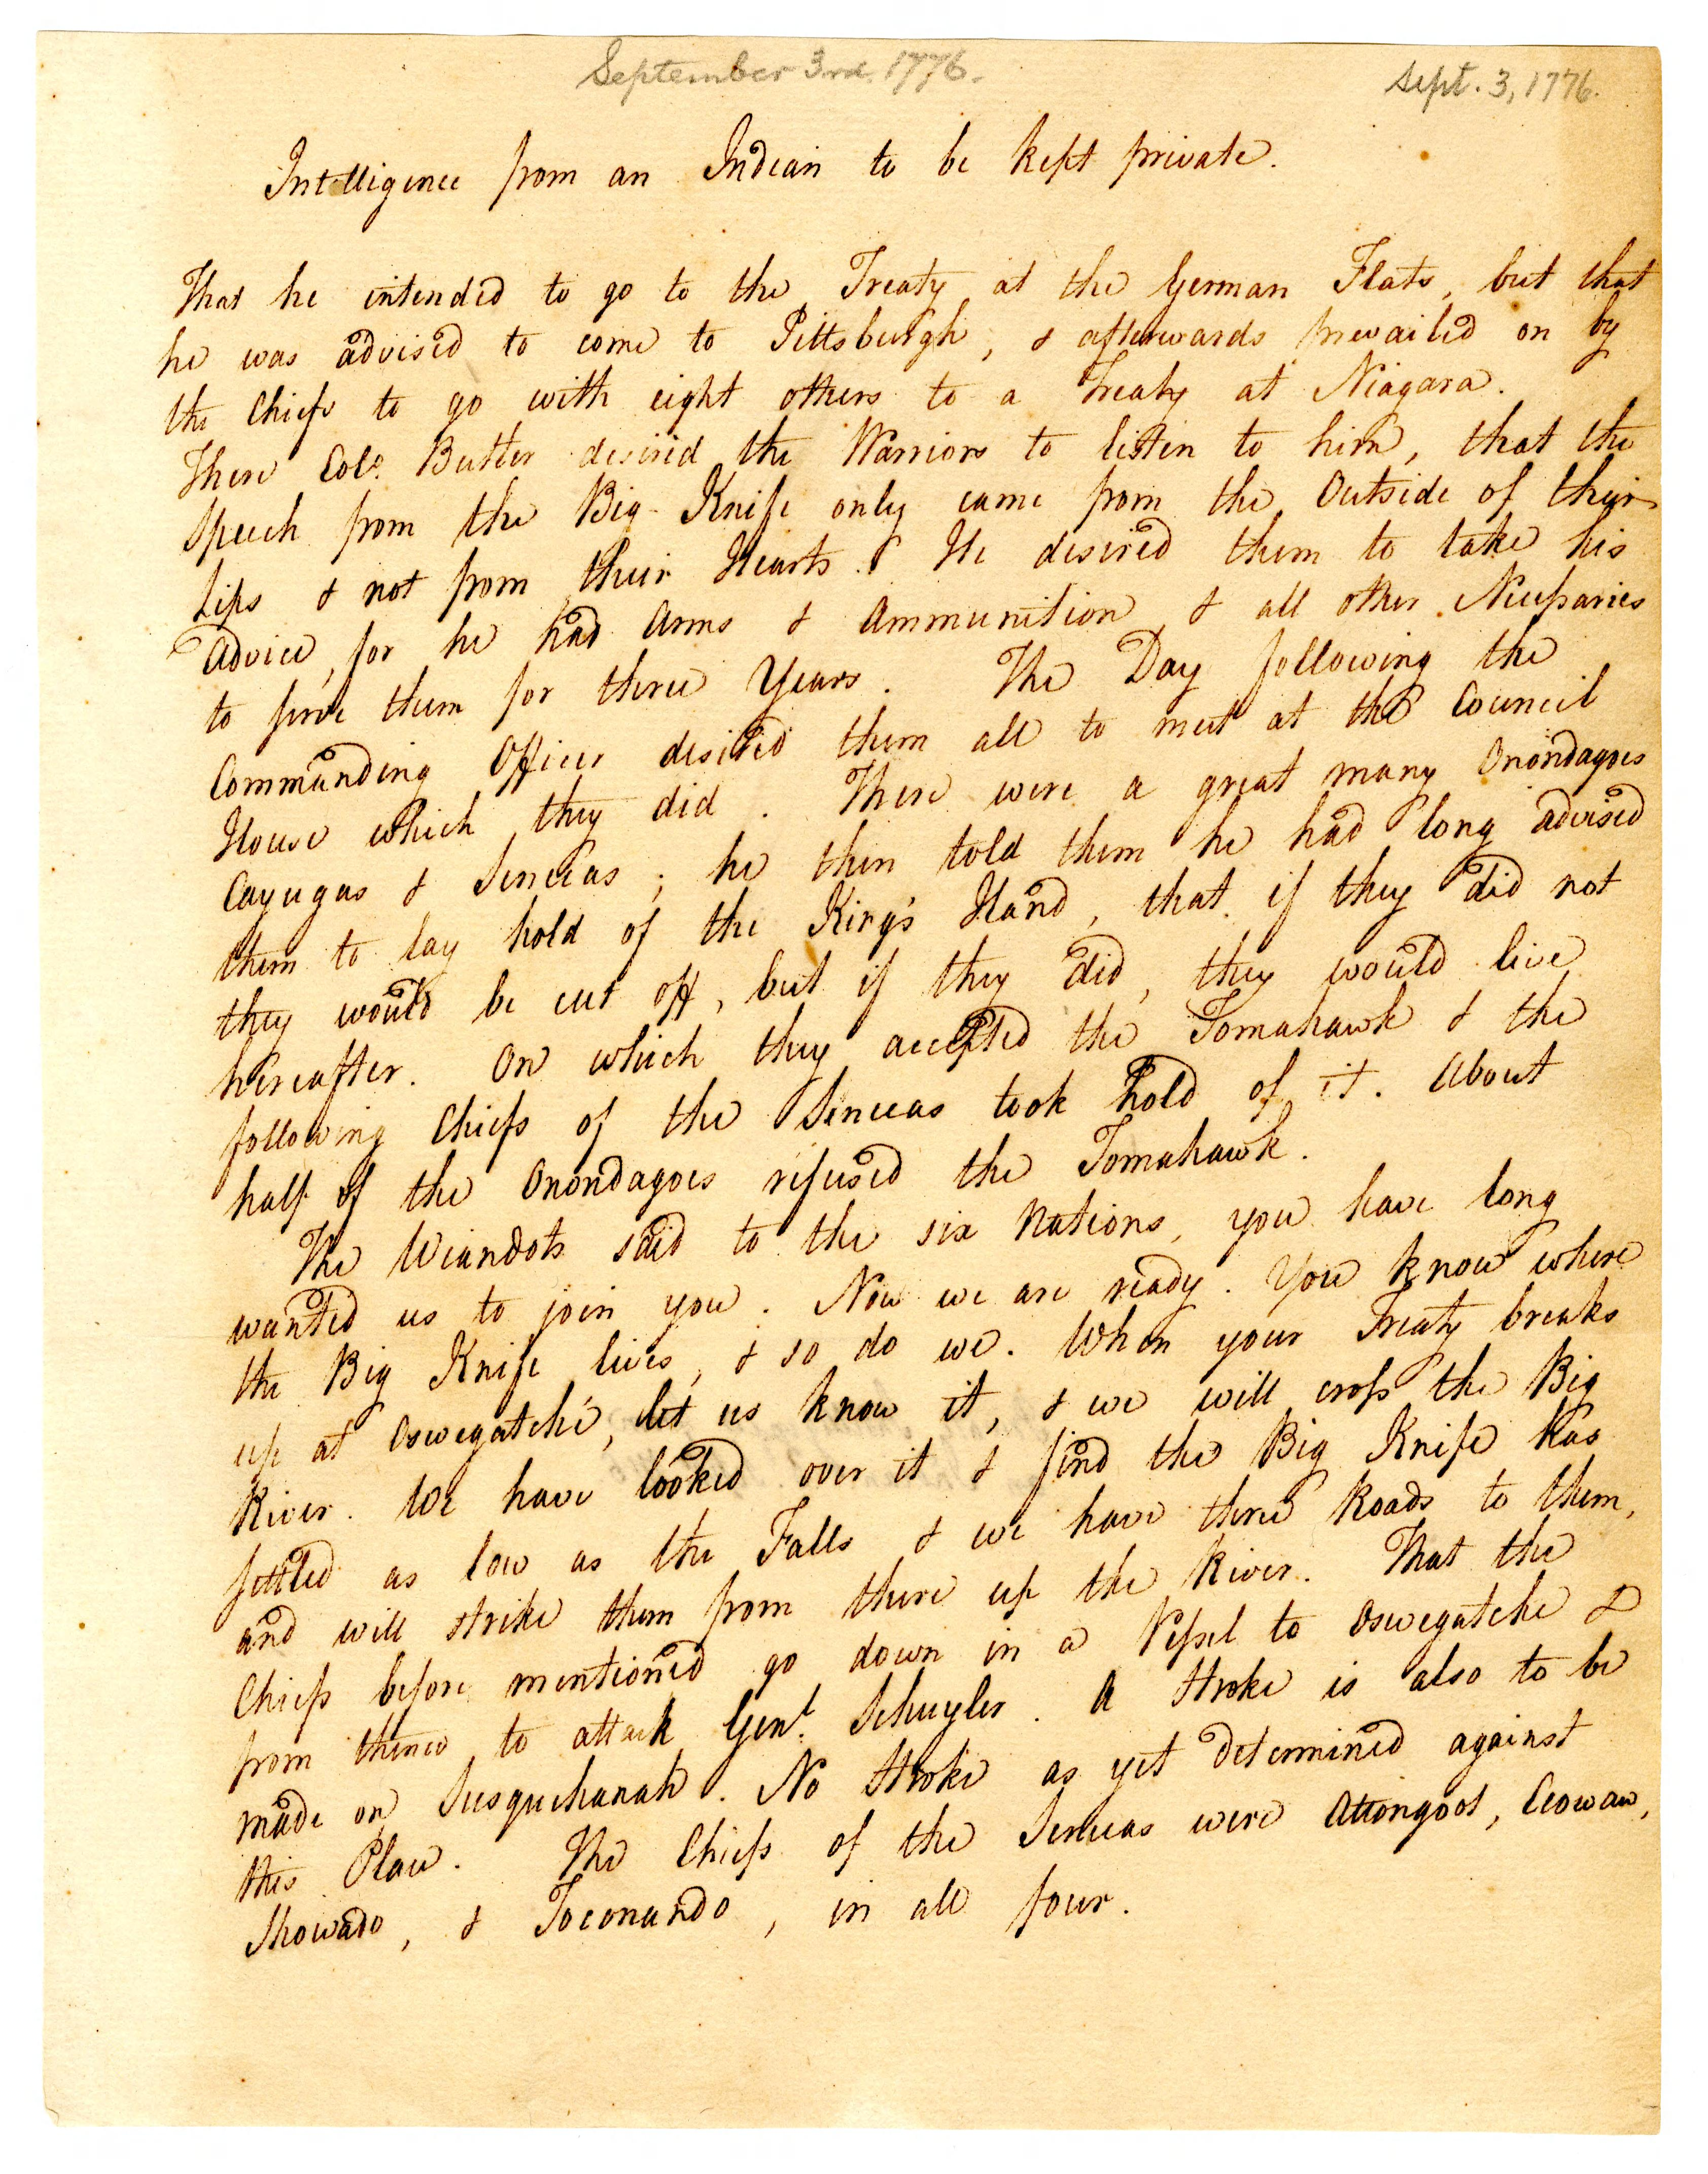Intelligence from an Indian to be kept private.
That he intended to go to the Treaty at the German Flats, but that
he was advised to come to Pittsburgh, & afterwards prevailed on by
the Chiefs to go with eight others to a Treaty at Niagara.
There Col^o. Butler desired the Warriors to listen to him, that the
Speech from the Big Knife only came from the Outside of their
Lips & not from their Hearts & He desired them to take his
Advice for he had Arms & Ammunition & all other Necessaries
to serve them for three Years. The Day following the
Commanding Officer desired them all to meet at the Council
House which they did. There were a great many Onondagoes
Cayugas & Senecas; he then told them he had long advised
them to lay hold of the King's Hand, that if they did not
they would be cut off, but if they did, they would live
hereafter. On which they accepted the Tomahawk & the
following Chiefs of the Senecas took hold of it. About
half of the Onondagoes refused the Tomahawk.
The Wiandots said to the six nations, you have long
wanted us to join you. Now we are ready. You know where
the Big Knife lives, & so do we. When your Treaty breaks
up at Oswegatché, let us know it, & we will cross the Big
River. We have looked over it & find the Big Knife has
settled as low as the Falls & we have three Roads to them,
and will strike them from there up the River. That the
Chiefs before mentioned go down in a Vessel to Oswegatche &
from thence to attack Gen^l. Schuyler. A stroke is also to be
made on Susquehanah. No stroke as yet determined against
this Place. The Chiefs of the Senecas were Attongoos, Ceowan,
Showado, & Toconando, in all four.
Sept. 3, 1776.